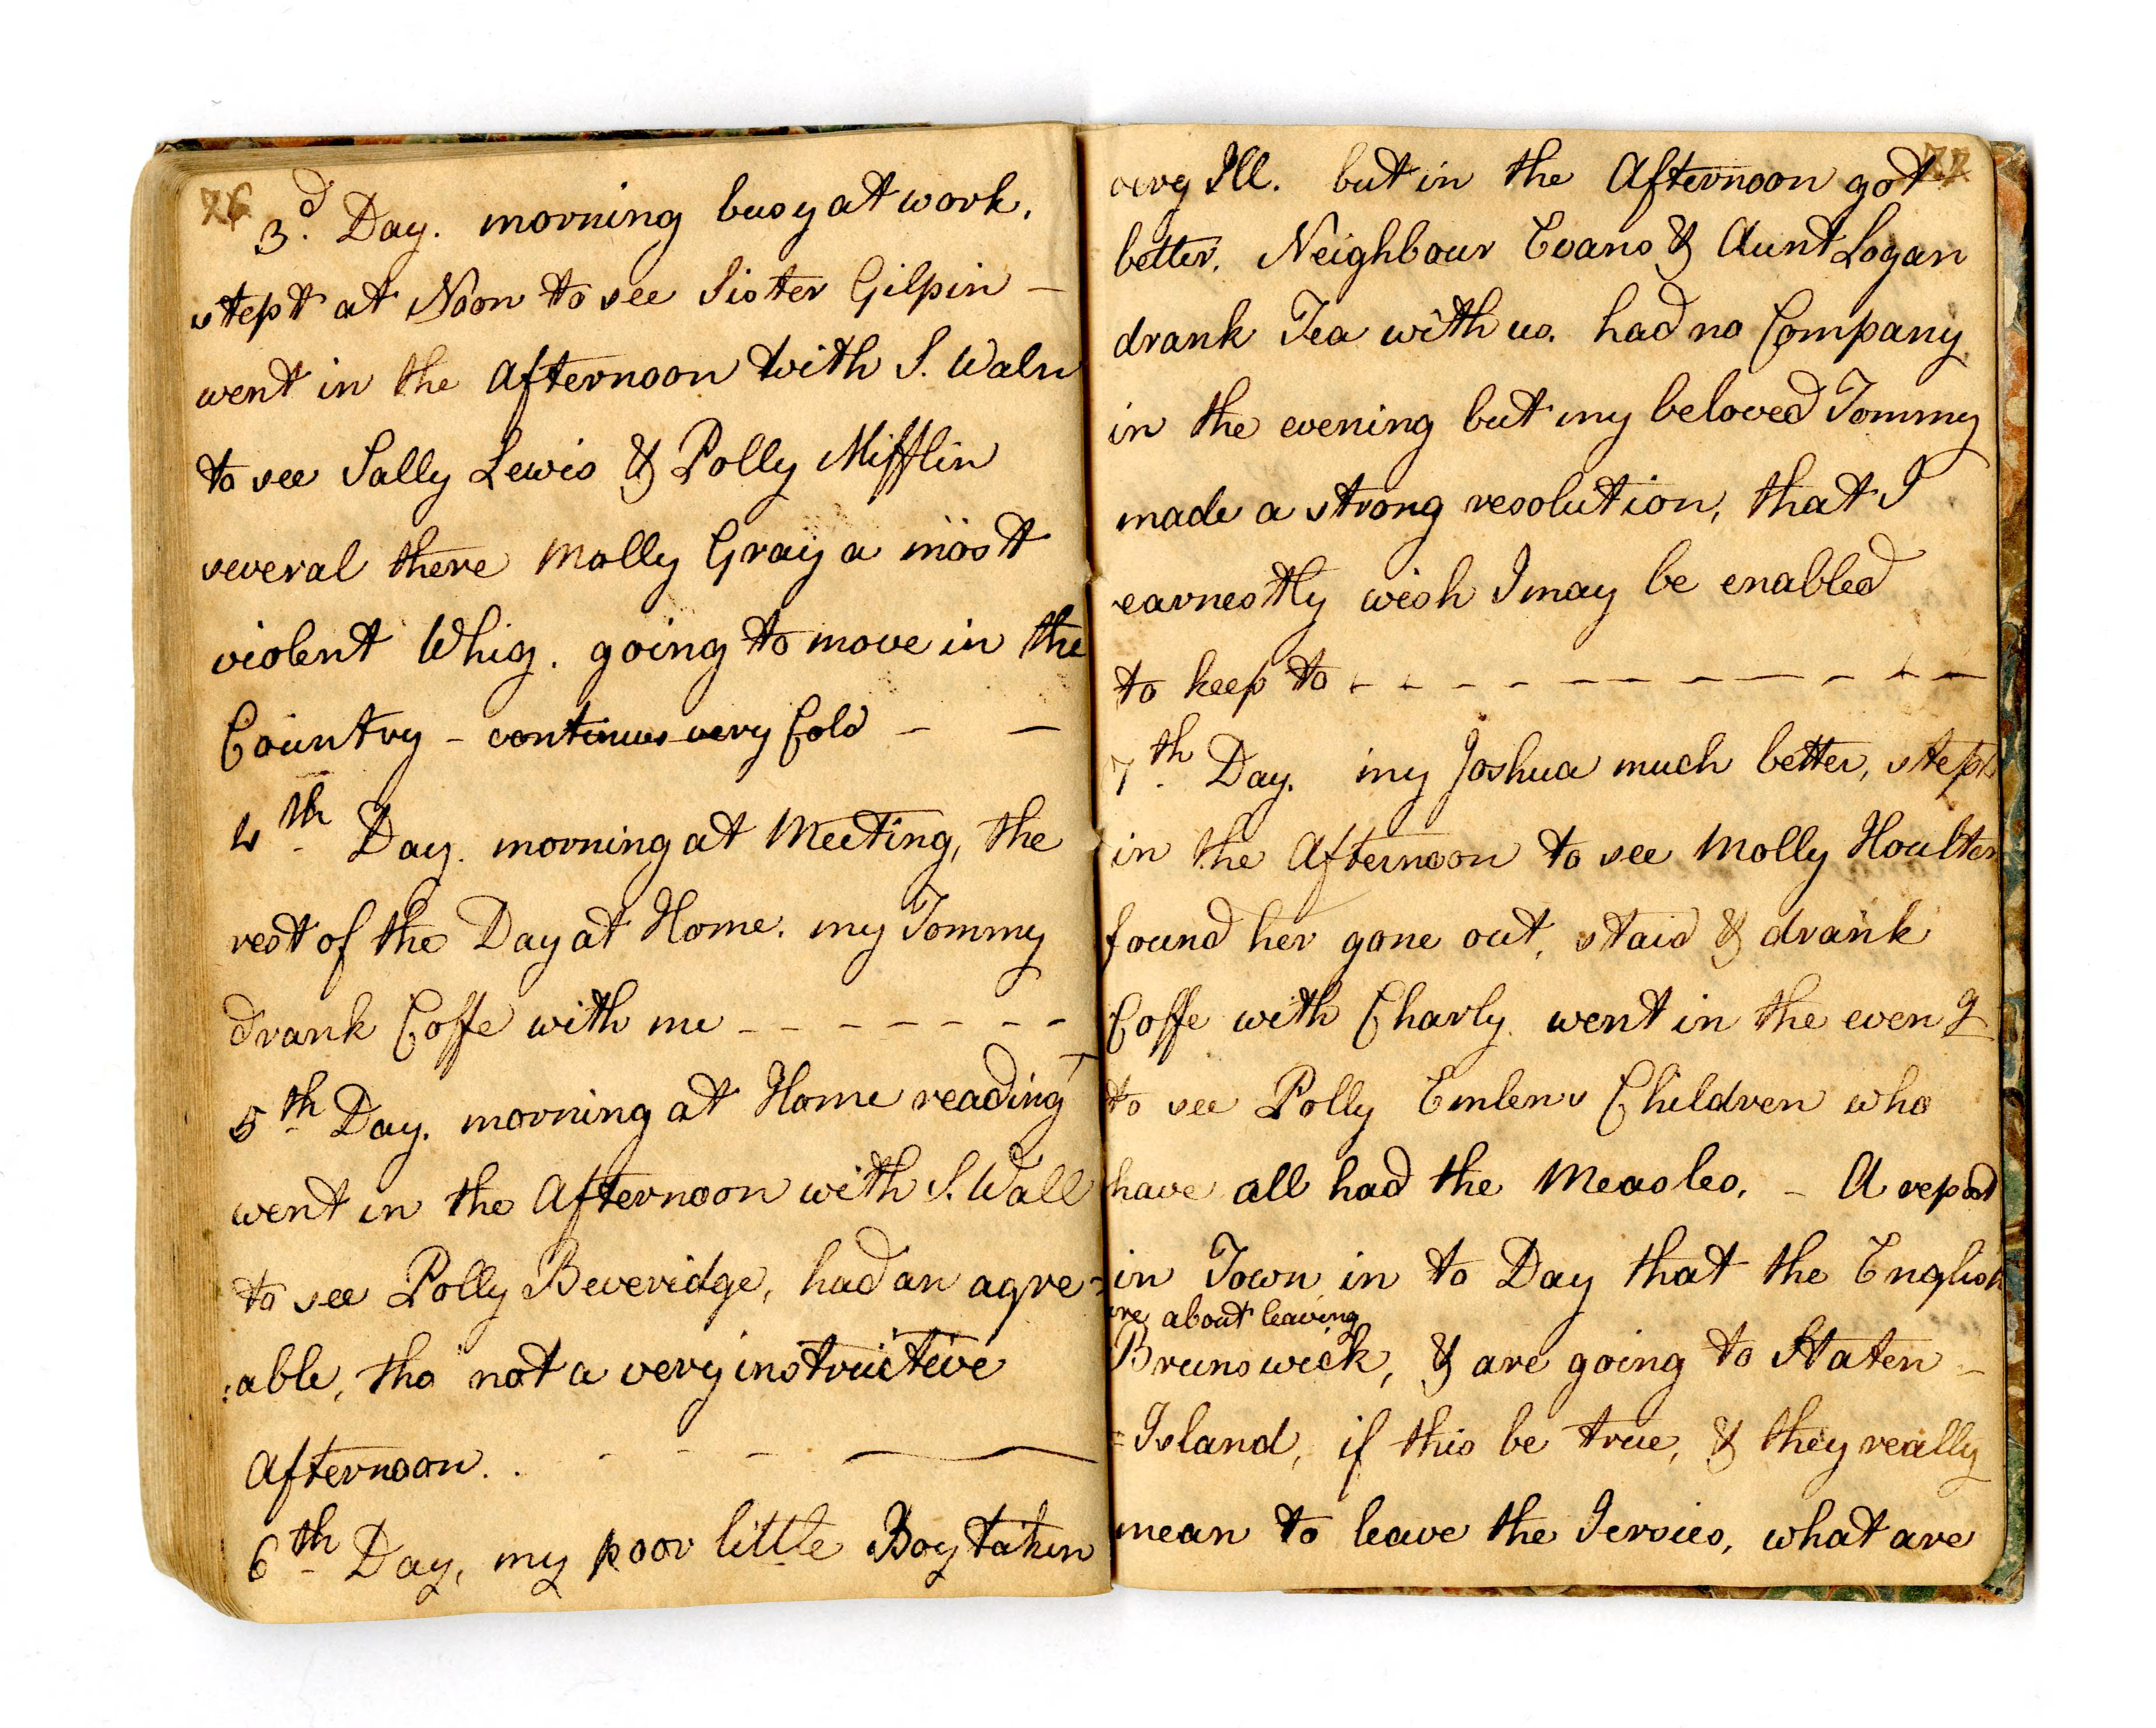3^d Day. morning busy at work,
stept at Noon to see Sister Gilpin-
went in the Afternoon with S. Waln
to see Sally Lewis & Polly Mifflin
several there Molly Gray a most
violent Whig. going to move in the
Country- continues very Cold-
4^th Day. morning at Meeting, the
rest of the Day at Home. my Tommy
drank Coffe with me-
5^th Day. morning at Home reading
went in the Afternoon with S. Wall
to see Polly Beveridge, had an agre-
-able , tho not a very instructive
Afternoon..
6^th Day, my poor little Boy taken
very Ill. but in the Afternoon got ^77
better, Neighbor Evans & Aunt Logan
drank Tea with us. had no Company
in the evening but my beloved Tommy
made a strong resolution, that I
earnestly wish I may be enabled
to keep to-
7^th Day. my Joshua much better, stept
in the Afternoon to see Molly Houlton
found her gone out, staid & drank
Coffe with Charly. went in the even^g
to see Polly Emlens Children who
have all had the Measles,- A report
in Town, in to Day that the English
are about leaving
Brunswick, & are going to Staten -
-Island, is this be true, & they really
mean to leave the Jersies, what are